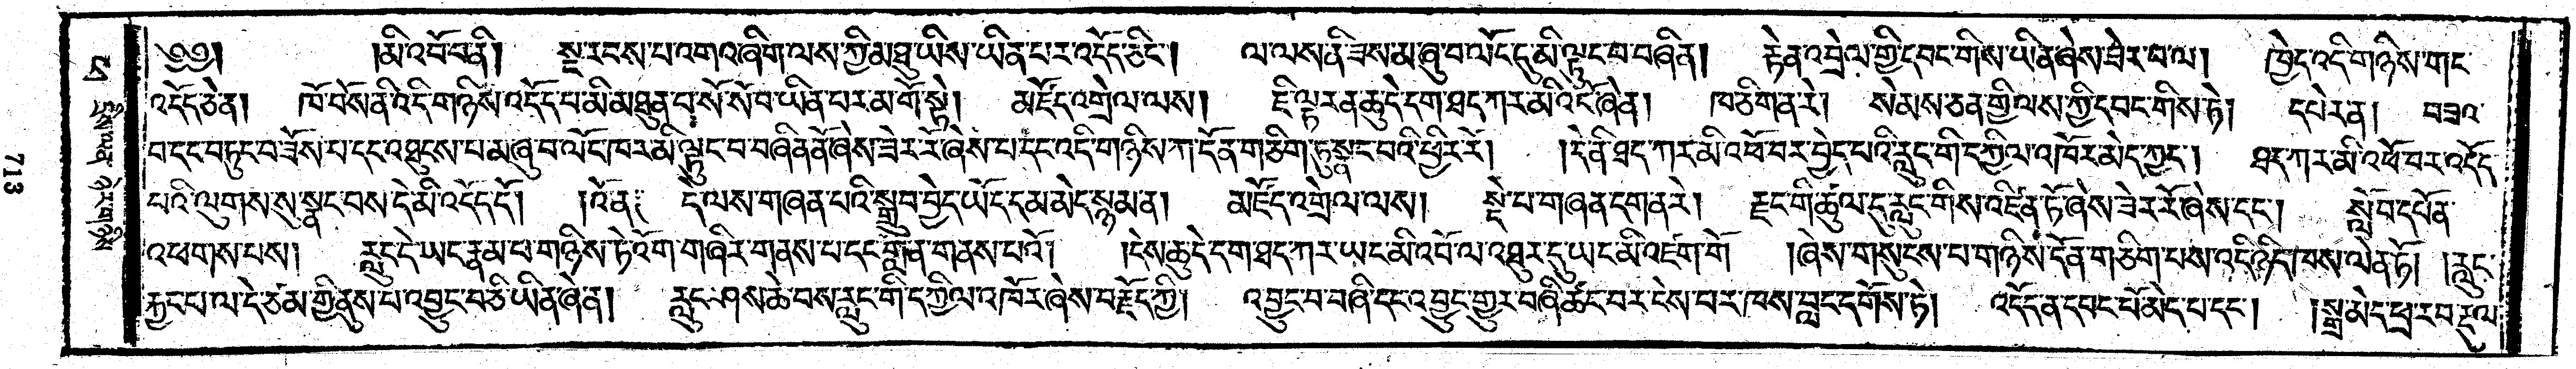༄༅། །མི་འབོ་བ་ནི། སྔ་རབས་པ་འགའ་ཞིག་ལས་ཀྱི་མཐུ་ཡིས་ཡིན་པར་འདོད་ཅིང་། ལ་ལས་ནི་ཟས་མ་ཞུ་བ་ལོང་དུ་མི་ལྟུང་བ་བཞིན། རྟེན་འབྲེལ་གྱི་དབང་གིས་ཡིན་ཞེས་ཟེར་བ་ལ། ཁྱེད་འདི་གཉིས་གང་
འདོད་ཅེ་ན། ཁོ་བོས་ནི་འདི་གཉིས་འདོད་པ་མི་མཐུན་པ་སོ་སོ་བ་ཡིན་པར་མ་གོ་སྟེ། མཛོད་འགྲེལ་ལས། ཇི་ལྟར་ན་ཆུ་དེ་དག་ཐད་ཀར་མི་འོང་ཞེ་ན། ཁ་ཅིག་ན་རེ། སེམས་ཅན་གྱི་ལས་ཀྱི་དབང་གིས་ཏེ། དཔེར་ན། བཟའ་
བ་དང་བཏུང་བ་ཟོས་པ་དང་འཐུངས་པ་མ་ཞུ་བ་ལོང་ཁར་མི་ལྟུང་བ་བཞིན་ནོ་ཞེས་ཟེར་རོ་ཞེས་པ་དང་འདི་གཉིས་ཀ་དོན་གཅིག་ཏུ་སྣང་བའི་ཕྱིར་རོ། །དེ་ནི་ཐད་ཀར་མི་འཕོ་བར་བྱེད་པའི་རླུང་གི་དཀྱིལ་འཁོར་མེད་ཀྱང་། ཐད་ཀར་མི་འཕོ་བར་འདོད་
པའི་ལུགས་སུ་སྣང་བས་དེ་མི་འདོད་དོ། །འོ་ན༑ དེ་ལས་གཞན་པའི་སྒྲུབ་བྱེད་ཡོད་དམ་མེད་སྙམ་ན། མཛོད་འགྲེལ་ལས། སྡེ་པ་གཞན་དག་ན་རེ། རྗང་གི་ཚུལ་དུ་རླུང་གིས་འཛིན་ཏོ་ཞེས་ཟེར་རོ་ཞེས་དང་། སློབ་དཔོན་
འཕགས་པས། རླུང་དེ་ཡང་རྣམ་པ་གཉིས་ཏེ་འོག་གཞིར་གནས་པ་དང་གླ་ན་གནས་པའོ། །དེས་ཆུ་དེ་དག་ཐད་ཀར་ཡང་མི་འབོ་ལ་འཐུར་དུ་ཡང་མི་འཛག་གོ །ཞེས་གསུངས་པ་གཉིས་དོན་གཅིག་པས་འདི་ཉིད་ཁས་ལེན་ཏོ། །རླུང་
རྐྱང་པ་ལ་དེ་ཙམ་གྱི་ནུས་པ་འབྱུང་བ་ཅི་ཡིན་ཞེ་ན། རླུང་ཤས་ཆེ་བས་རླུང་གི་དཀྱིལ་འཁོར་ཞེས་བརྗོད་ཀྱི། འབྱུང་བ་བཞི་དང་འབྱུང་གྱུར་བཞི་ཚང་བར་ངེས་པར་ཁས་བླང་དགོས་ཏེ། འདོད་ན་དབང་པོ་མེད་པ་དང་། །སྒྲ་མེད་ཕྲ་རབ་རྡུལ་